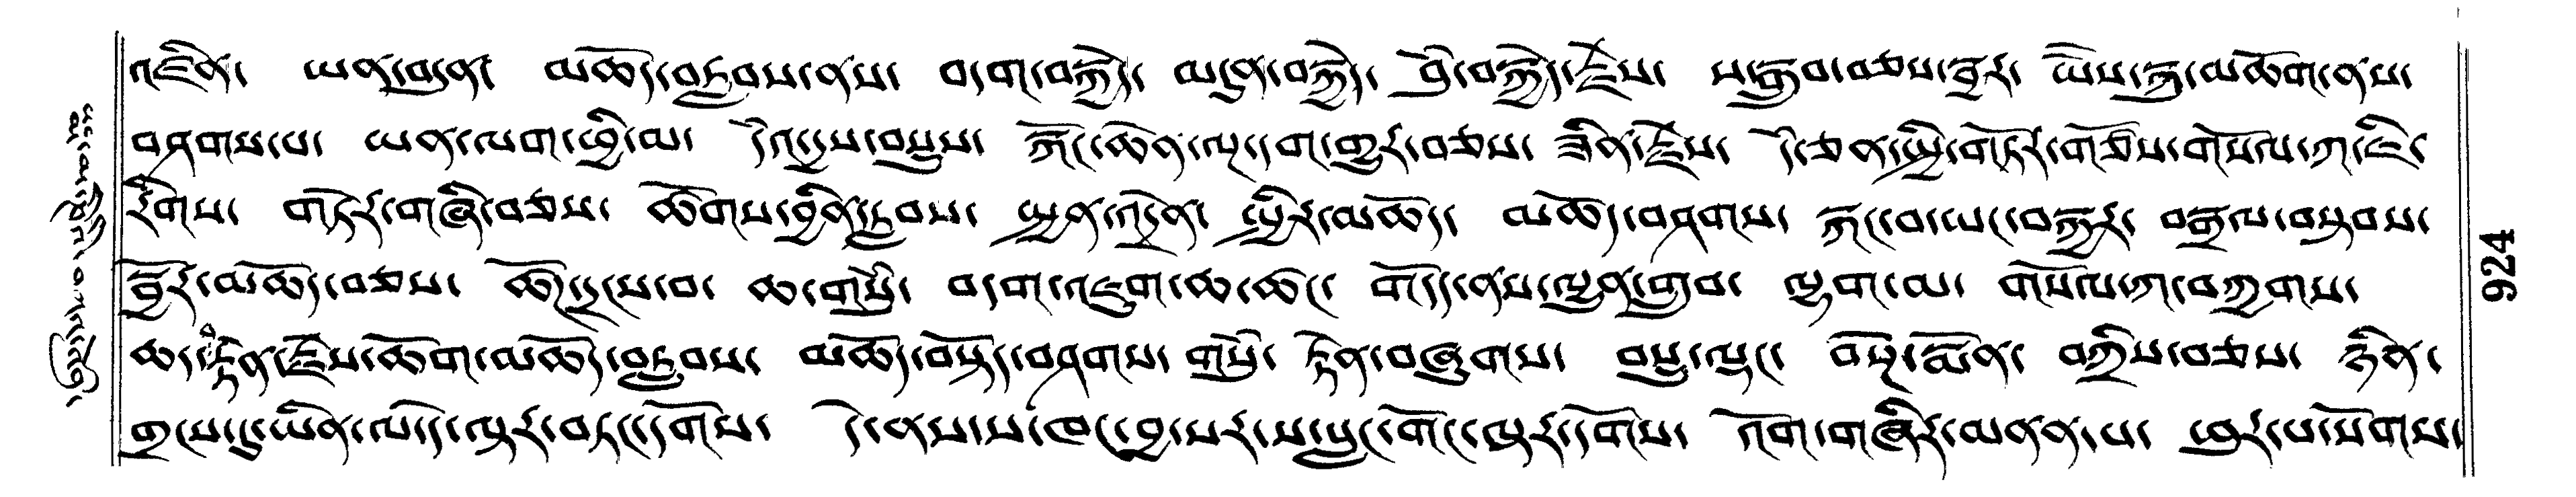འཛིན༴ ཡན་བདུན། མཆོད་བརླབས་ནས། བདག་བསྐྱེད། མདུན་བསྐྱེད། བུམ་བསྐྱེད་རྗེས་ས་སྒྲུབ་བཅས་སྦྱར། ཡེ་ཤེས་སྐུ་མཆོག༴ ནས་
བཤགས་པ། ཡན་ལག་ཕྱི་མ། དམ་བཅའ་རྒྱས་བསྡུས། སྐོང་ཆེན་ལྔ་དག་གྱུར་བཅས་ཟིན་རྗེས། དམ་ཅན་སྤྱི་གཏོར་གཙོས་གསོལ་ཀ་ཇི་
རིགས། གཏེར་གཞི་བཅས། ཚོགས་བྱིན་རླབས། སྤྱན་འདྲེན། སྤྱིར་མཆོད་མཆོད་བཤགས། སྐང་བ་ཡང་བསྐྱར། བསྒྲལ་བསྟབ་
སྦྱོར་མཆོད་བཅས། ཚོགས་དྲང་བ། ཆ་གསུམ། བདག་འཇུག་ཆ་ཚང་། གདོད་ནས་ལྷུན་གྲུབ༴ ལྷག་མ། གསོལ་ཀ་བཀྱགས། 
ཆད་བརྟན་རྗེས་ཆོག་མཆོད་བརླབས། མཆོད་བསྟོད་བཤགས་གསུམ། རྟེན་བཞུགས། བསྡུ་ལྡང་། བསྔོ་སྨོན། བཀྲ་ཤིས་བཅས། ཉིན་
གྲངས་དུ་ཡིན་ལ་དེ་ལྟར་བཏང་དགོས། དེ་ནས་ས་ཁང་བྱ་སར་ས་སློང་གོང་ལྟར་དགོས། འོག་གཞིར་མནན་པ་ཕུར་པ་སོགས་